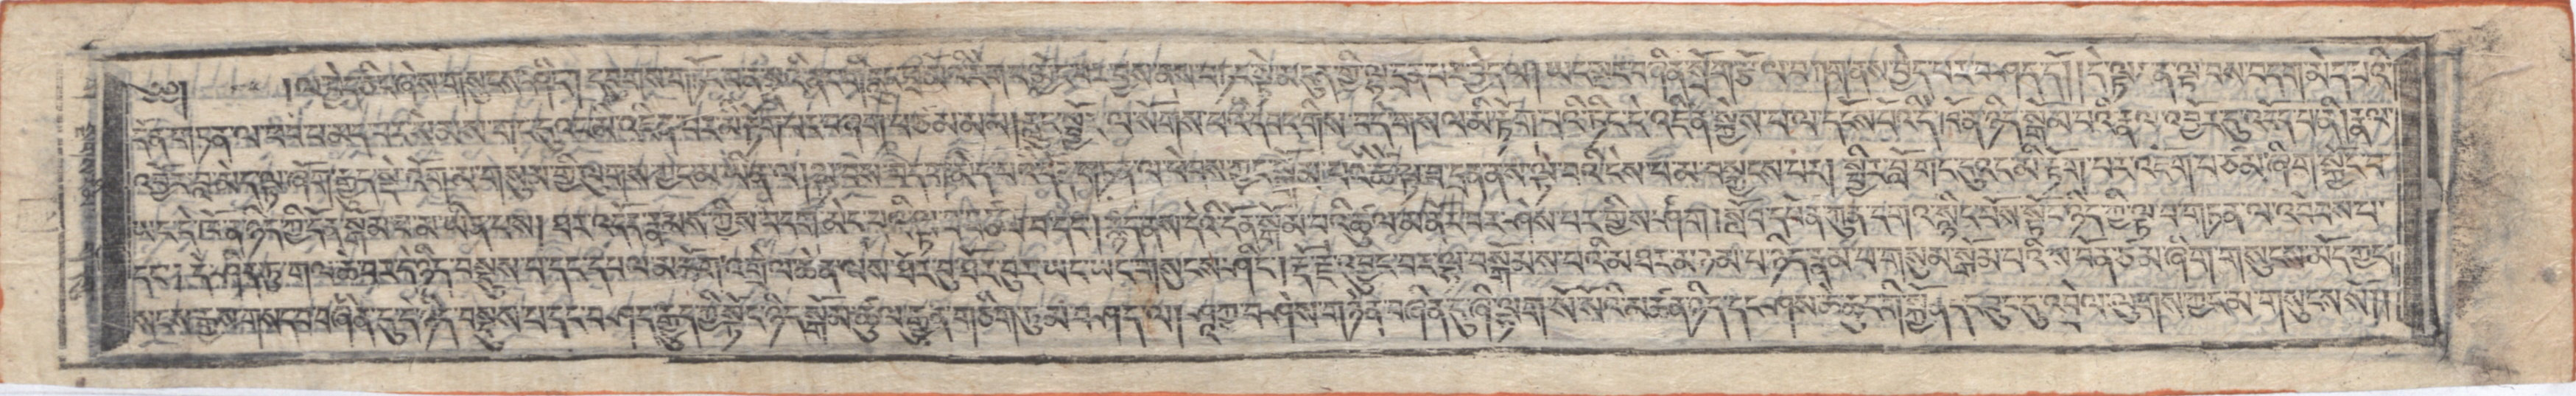༄༅། །ལ་བྱེད་ཅིང་ཞེས་གསུངས་ཤིང་། དབུགས་གཏོང་བ་ན་སྣའི་ནང་གི་རླུང་ཕྲ་མོའི་རེག་པ་མྱོང་བར་བྱས་ནས་བཏང་སྟེ་མདུན་གྱི་ལྷ་དྲན་པར་བྱེད་ལ། ཡང་སྔར་བཞིན་སྲོག་རྩོལ་བཀག་ནས་བྱེད་པར་བཤད་དོ། །དེ་ལྟར་ན་ལྟ་བས་བདག་མེད་པའི་
དོན་གཏན་ལ་ཕབ་པ་མེད་པར་སེམས་གང་དུའང་མི་འཛིན་བར་མི་རྟོག་པར་བཞག་པ་ཙམ་མམ། རླུང་སྦྱོར་ལ་སོགས་པའི་དབང་གིས་བདེ་གསལ་མི་རྟོག་པའི་ཏིང་ངེ་འཛིན་སྐྱེས་པ་ལ་དངོས་པོའི་དེ་ཁོ་ན་ཉིད་སྒོམ་པའི་རྣལ་འབྱོར་དུ་འདོད་པ་ནི། རྣལ་
འབྱོར་བླ་མེད་ལྟ་ཞོག་རྒྱུད་སྡེ་འོག་མ་གསུམ་གྱི་ལུགས་ཀྱང་མ་ཡིན་ལ། ལྟ་བས་བདག་མེད་པའི་དོན་གཏན་ལ་ཕེབས་ཀྱང་སྒོམ་པའི་ཚེ་ལྟ་བ་དྲན་ནས་ལྟ་བའི་ངེས་པ་མ་བསྐྱངས་པར། སྤྱིར་བློ་གང་དུའང་མི་རྟོག་པར་འཇོག་པ་ཙམ་ཞིག་སྐྱོང་བ་
ཡང་དེ་ཁོ་ན་ཉིད་ཀྱི་དོན་སྒོམ་པ་མ་ཡིན་པས། ཐར་འདོད་རྣམས་ཀྱིས་བདག་མེད་པའི་ལྟ་བ་བཙལ་བ་དང་། རྙེད་ནས་དེའི་དོན་སྒོམ་པའི་ཚུལ་མ་ནོར་བར་ཤེས་པར་གྱིས་ཤིག །སློབ་དཔོན་ཀུན་དགའ་སྙིང་པོས་སྟོང་ཉིད་ཀྱི་ལྟ་བ་གཏན་ལ་འབེབས་པ་
དང༑ དེ་ཤིན་ཏུ་གལ་ཆེ་བར་དེ་ཉིད་བསྡུས་པ་དང་དཔལ་མཆོག་འགྲེལ་ཆེན་ལས་ཐོར་བུ་ཐོར་བུར་ཡང་ཡང་གསུངས་ཤིང་། རྡོ་རྗེ་འབྱུང་བར་ལྷ་བསྒོམས་པའི་མཐར་མཉམ་པ་ཉིད་རྣམ་པ་གསུམ་སྒོམ་པའི་ས་བོན་ཙམ་ཞིག་གསུངས་མོད་ཀྱང་།
སངས་རྒྱས་གསང་བ་བཞིན་དུ་དེ་ཉིད་བསྡུས་པ་དང་བཤད་རྒྱུད་ཀྱི་སྟོང་ཉིད་སྒོམ་ཚུལ་རྒྱུན་གཅིག་ཏུ་མ་བཤད་ལ། ཤཱཀྱ་བཤེས་གཉེན་བཞིན་དུ་ཞི་ལྷག་སོ་སོའི་མཚན་ཉིད་དང་ཤས་ཆེ་ཆུང་གི་སྐྱོན་དང་ཟུང་དུ་འབྲེལ་ལུགས་ཀྱང་མ་གསུངས་སོ། །